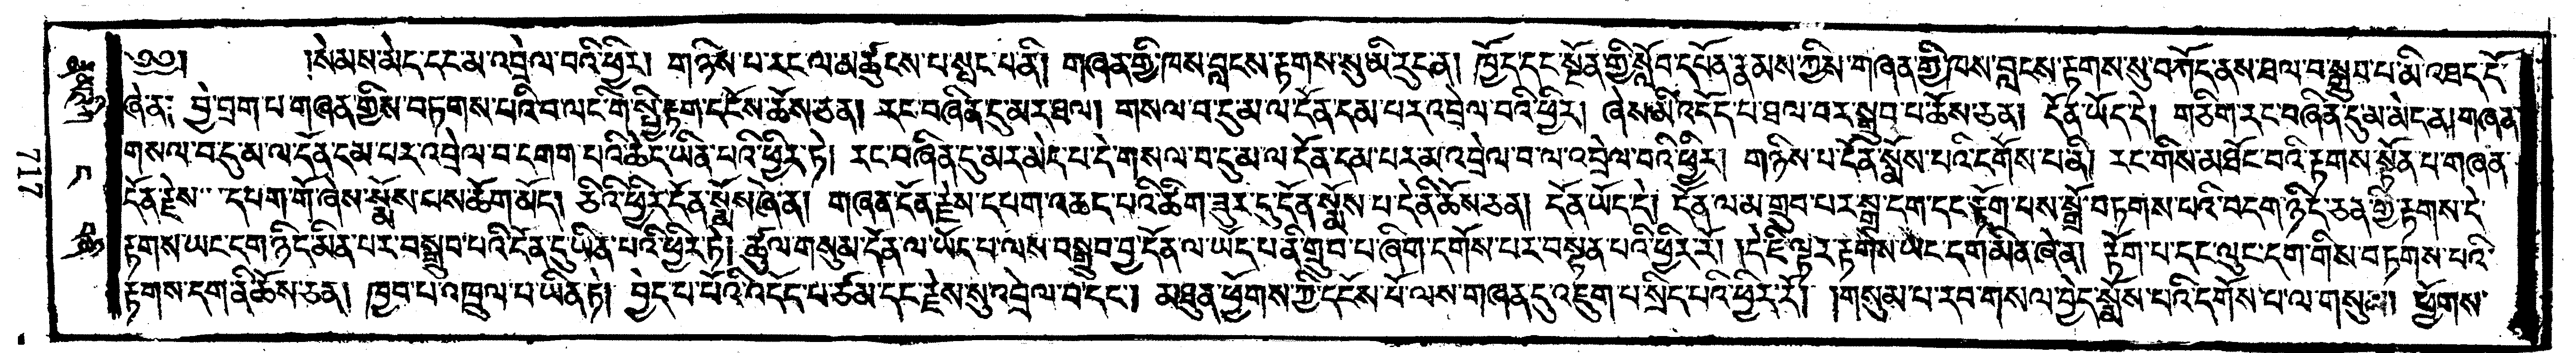༄༅། །སེམས་མེད་དང་མ་འབྲེལ་བའི་ཕྱིར། གཉིས་པ་རང་ལ་མཚུངས་པ་སྤང་པ་ནི། གཞན་གྱི་ཁས་བླངས་རྟགས་སུ་མི་རུང་ན། ཁྱོད་དང་སྔོན་གྱི་སློབ་དཔོན་རྣམས་ཀྱིས་གཞན་གྱི་ཁས་བླངས་རྟགས་སུ་བཀོད་ནས་ཐལ་བ་སྒྲུབ་པ་མི་འཐད་དོ་
ཞེ་ན༑ བྱེ་བྲག་པ་གཞན་གྱིས་བཏགས་པའི་བ་ལང་གི་སྤྱི་རྟགས་དངོས་ཆོས་ཅན། རང་བཞིན་དུ་མར་ཐལ། གསལ་བ་དུ་མ་ལ་དོན་དམ་པར་འབྲེལ་བའི་ཕྱིར། ཞེས་མི་འདོད་པ་ཐལ་བར་སྒྲུབ་པ་ཆོས་ཅན། དོན་ཡོད་དེ། གཅིག་རང་བཞིན་དུ་མ་མེད་ན། གཞན་
གསལ་བ་དུ་མ་ལ་དོན་དམ་པར་འབྲེལ་བ་དགག་པའི་ཆེད་ཡིན་པའི་ཕྱིར་ཏེ། རང་བཞིན་དུ་མར་མེད་པ་དེ་གསལ་བ་དུ་མ་ལ་དོན་དམ་པར་མ་འབྲེལ་བ་ལ་འབྲེལ་བའི་ཕྱིར། གཉིས་པ་དོན་སྨོས་པའི་དགོས་པ་ནི། རང་གིས་མཐོང་བའི་རྟགས་སྟོན་པ་གཞན་
དོན་རྗེས་དཔག་གོ་ཞེས་སྨོས་པས་ཆོག་མོད། ཅིའི་ཕྱིར་དོན་སྨོས་ཞེ་ན། གཞན་དོན་རྗེས་དཔག་འཆད་པའི་ཚིག་ཟུར་དུ་དོན་སྨོས་པ་དེ་ནི་ཆོས་ཅན། དོན་ཡོད་དེ། དོན་ལ་མ་གྲུབ་པར་སྒྲ་དག་དང་རྟོག་པས་སྒྲོ་བཏགས་པའི་བདག་ཉིད་ཅན་གྱི་རྟགས་དེ་
རྟགས་ཡང་དག་ཉིད་མིན་པར་བསྒྲུབ་པའི་དོན་དུ་ཡིན་པའི་ཕྱིར་ཏེ། ཚུལ་གསུམ་དོན་ལ་ཡོད་པ་ལས་བསྒྲུབ་བྱ་དོན་ལ་ཡོད་པ་ནི་གྲུབ་པ་ཞིག་དགོས་པར་བསྟན་པའི་ཕྱིར་རོ། །དེ་ཇི་ལྟར་རྟགས་ཡང་དག་མིན་ཞེ་ན། རྟོག་པ་དང་ལུང་དག་གིས་བཏགས་པའི་
རྟགས་དག་ནི་ཆོས་ཅན། ཁྱབ་པ་འཁྲུལ་པ་ཡིན་ཏེ། བྱེད་པ་པོའི་འདོད་པ་ཙམ་དང་རྗེས་སུ་འབྲེལ་བ་དང་། མཐུན་ཕྱོགས་ཀྱི་དངོས་པོ་ལས་གཞན་དུ་འཇུག་པ་སྲིད་པའི་ཕྱིར་རོ། །གསུམ་པ་རབ་གསལ་བྱེད་སྨོས་པའི་དགོས་པ་ལ་གསུམ། ཕྱོགས་